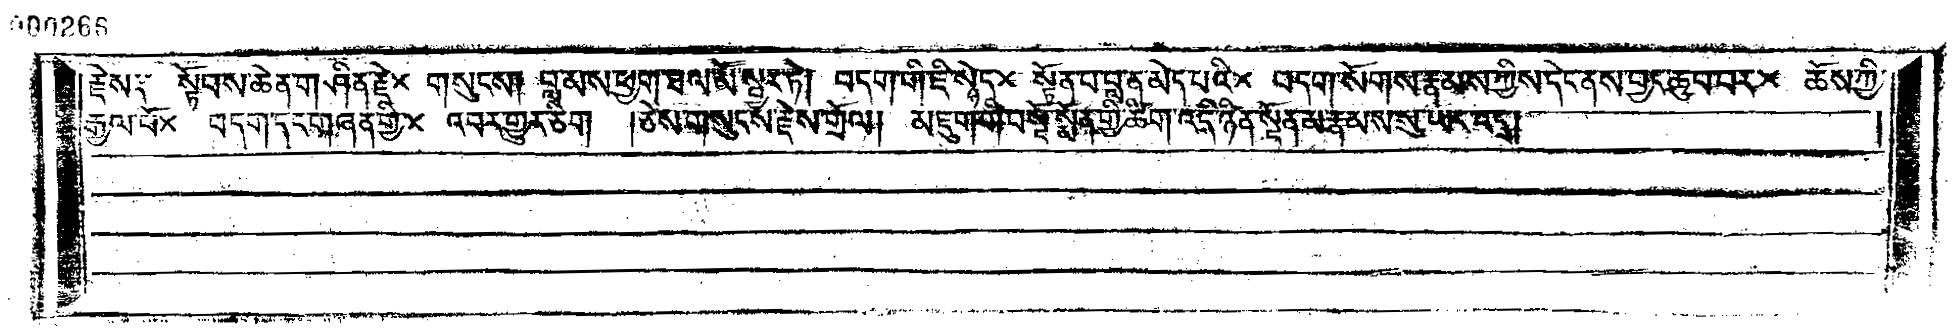རྗེས༑ སྟོབས་ཆེན་གཤིན་རྗེ྾་གསུངས། བླ་མས་ཕྱག་ཐལ་མོ་སྦྱར་ཏེ། བདག་གི་ཇི་སྙེད྾་སྟོན་པ་བླ་ན་མེད་པའི྾་བདག་སོགས་རྣམས་ཀྱིས་དེང་ནས་བྱང་ཆུབ་བར྾་ཆོས་ཀྱི་
རྒྱལ་པོ྾་བདག་དང་གཞན་གྱི྾་འབར་གྱུར་ཅིག །ཅེས་གསུངས་རྗེས་གྲོལ། མཇུག་གི་བསྔོ་སྨོན་གྱི་ཚིག་འདི་ཉིན་སྔོན་མ་རྣམས་སུ་ཡང་འདྲ། །